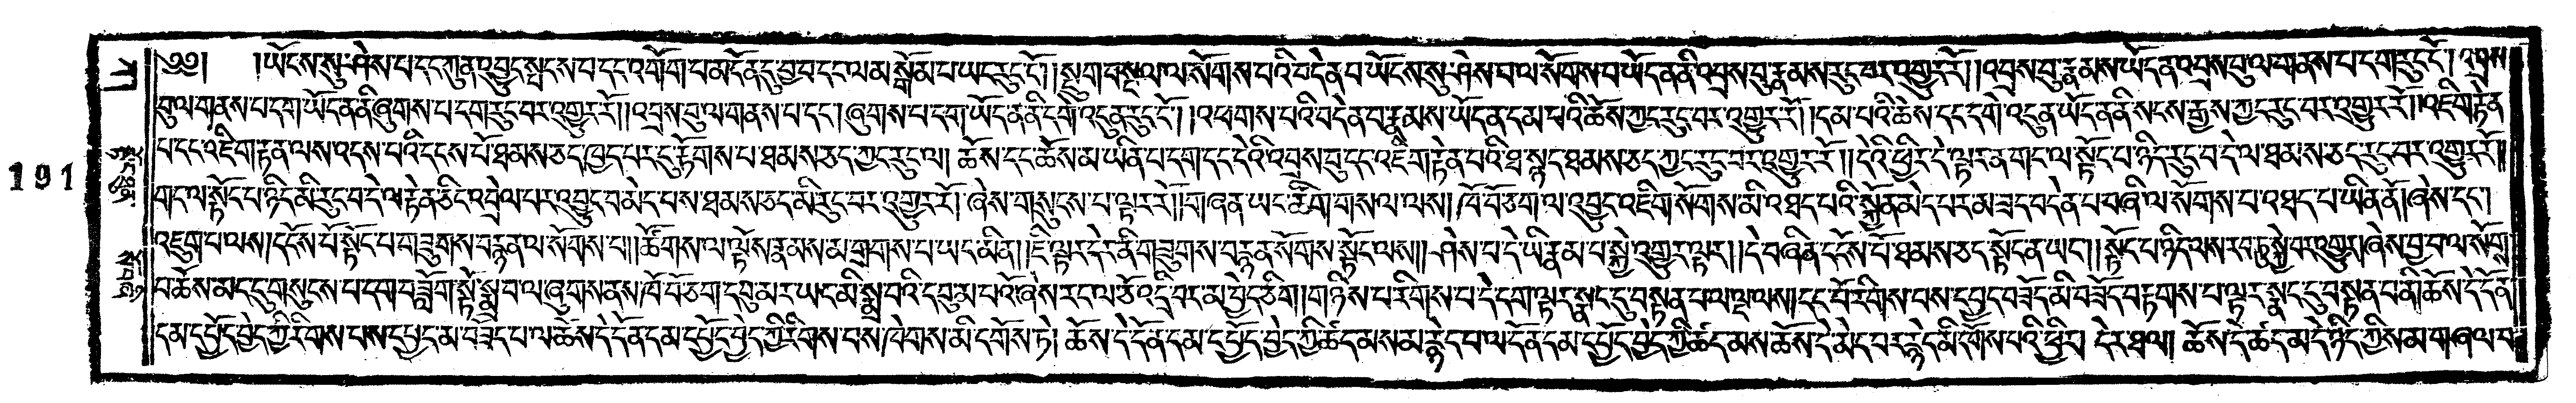༄༅། །ཡོངས་སུ་ཤེས་པ་དང་ཀུན་འབྱུང་སྤངས་བ་དང་འགོག་པ་མངོན་དུ་བྱ་བ་དང་ལམ་སྒོམ་པ་ཡང་རུང་ངོ། །སྡུག་བསྔལ་ལ་སོགས་པའི་བདེན་པ་ཡོངས་སུ་ཤེས་པ་ལ་སོགས་པ་ཡོད་ན་ནི་འབྲས་བུ་རྣམས་རུང་བར་འགྱུར་རོ། །འབྲས་བུ་རྣམས་ཡོད་ན་འབྲས་བུ་ལ་གནས་པ་དག་རུང་དེ། འབྲས་
བུ་ལ་གནས་པ་དག་ཡོད་ན་ནི་ཞུགས་པ་དག་རུང་བར་འགྱུར་རོ། །འབྲས་བུ་ལ་གནས་པ་དང་། ཞུགས་པ་དག་ཡོད་ན་ནི་དགེ་འདུན་རུང་ངོ། །འཕགས་པའི་བདེན་པ་རྣམས་ཡོད་ན་དམ་པའི་ཆོས་ཀྱང་རུང་བར་འགྱུར་རོ། །དམ་པའི་ཆོས་དང་དགེ་འདུན་ཡོད་ན་ནི་སངས་རྒྱས་ཀྱང་རུང་བར་འགྱུར་རོ། །འཇིག་རྟེན་
པ་དང་འཇིག་རྟེན་ལས་འདས་པའི་དངས་པོ་ཐམས་ཅད་ཁྱད་པར་དུ་རྟོགས་པ་ཐམས་ཅད་ཀྱང་རུང་ལ། ཆོས་དང་ཆོས་མ་ཡིན་པ་དག་དང་དེའི་འབྲས་བུ་དང་འཇིག་རྟེན་བའི་ཐ་སྙད་ཐམས་ཅད་ཀྱང་རུང་བར་འགྱུར་རོ། །དེའི་ཕྱིར་དེ་ལྟར་ན་གང་ལ་སྟོང་པ་ཉིད་རུང་བ་དེ་ལ་ཐམས་ཅད་རུང་བར་འགྱུར་རོ།།
གང་ལ་སྟོང་པ་ཉིད་ནི་རུང་བ་དེ་ལ་རྟེན་ཅིང་འབྲེལ་པར་འབྱུང་བ་མེད་པས་ཐམས་ཅད་མི་རུང་བར་འགྱུར་རོ། ཞེས་གསུངས་པ་ལྟར་རོ། །གཞན་ཡང་ཚིག་གསལ་ལས། ཁོ་བོ་ཅག་ལ་འབྱུང་འཇིག་སོགས་མི་འཐད་པའི་སྐྱོན་མེད་པར་མ་ཟད་བདེན་པ་བཞི་ལ་སོགས་པ་འཐད་པ་ཡིན་ནོ། ཞེས་དང་།
འཇུག་པ་ལས། དངོས་པོ་སྟོང་པ་གཟུགས་བརྙན་ལ་སོགས་པ། །ཚོགས་ལ་ལྟོས་རྣམས་མ་གྲགས་པ་ཡང་མིན། །ཇི་ལྟར་དེར་ནི་གཟུགས་བརྙན་སོགས་སྟོང་ལས། །ཤེས་པ་དེ་ཡི་རྣམ་པ་སྐྱེ་འགྱུར་ལྟར། །དེ་བཞིན་དངོས་པོ་ཐམས་ཅད་སྟོང་ན་ཡང་། །སྟོང་པ་ཉིད་ལས་རབ་ཏུ་སྐྱེ་བར་འགྱུར། ཞེས་བྱ་བ་ལ་སོགས་
པ་ཆེས་མང་དུ་གསུངས་པ་དག་བཟློག་སྟེ་སྨྲ་བ་ལ་ཞུགས་ནས་ཁོ་བོ་ཅག་དབུ་མར་ཡང་མི་སྨྲ་བའི་དབུ་མ་པའོ་ཞེས་རང་ལ་ཅོ་འདྲི་བར་མ་བྱེད་ཅིག །གཉིས་པ་རིགས་པ་དེ་དག་ལྟར་སྣང་དུ་བསྟན་པ་ལ་ལྔ་ལས། དང་པོ་རིགས་པས་དཔྱད་བཟོད་མི་བཟོད་བརྟགས་པ་ལྟར་སྣང་དུ་བསྟན་བ་ནི། ཆོས་དེ་དོན་
དམ་དཔྱོད་བྱེད་ཀྱི་རིགས་པས་དཔྱད་མ་བཟོད་པ་ལ་ཆོས་དེ་དོན་དམ་དཔྱོད་བྱེད་ཀྱི་རིགས་པས་ཁེགས་མི་དགོས་ཏེ། ཆོས་དེ་དོན་དམ་དཔྱོད་བྱེད་ཀྱི་ཚད་མས་མ་རྙེད་པ་ལ་དོན་དམ་དཔྱོད་བྱེད་ཀྱི་ཚད་མས་ཆོས་དེ་མེད་བར་རྙེད་མི་དགོས་པའི་ཕྱིར། དེར་ཐལ། ཆོས་དེ་ཚད་མ་?་དེ་ཉིད་ཀྱིས་མ་གཞལ་བ་